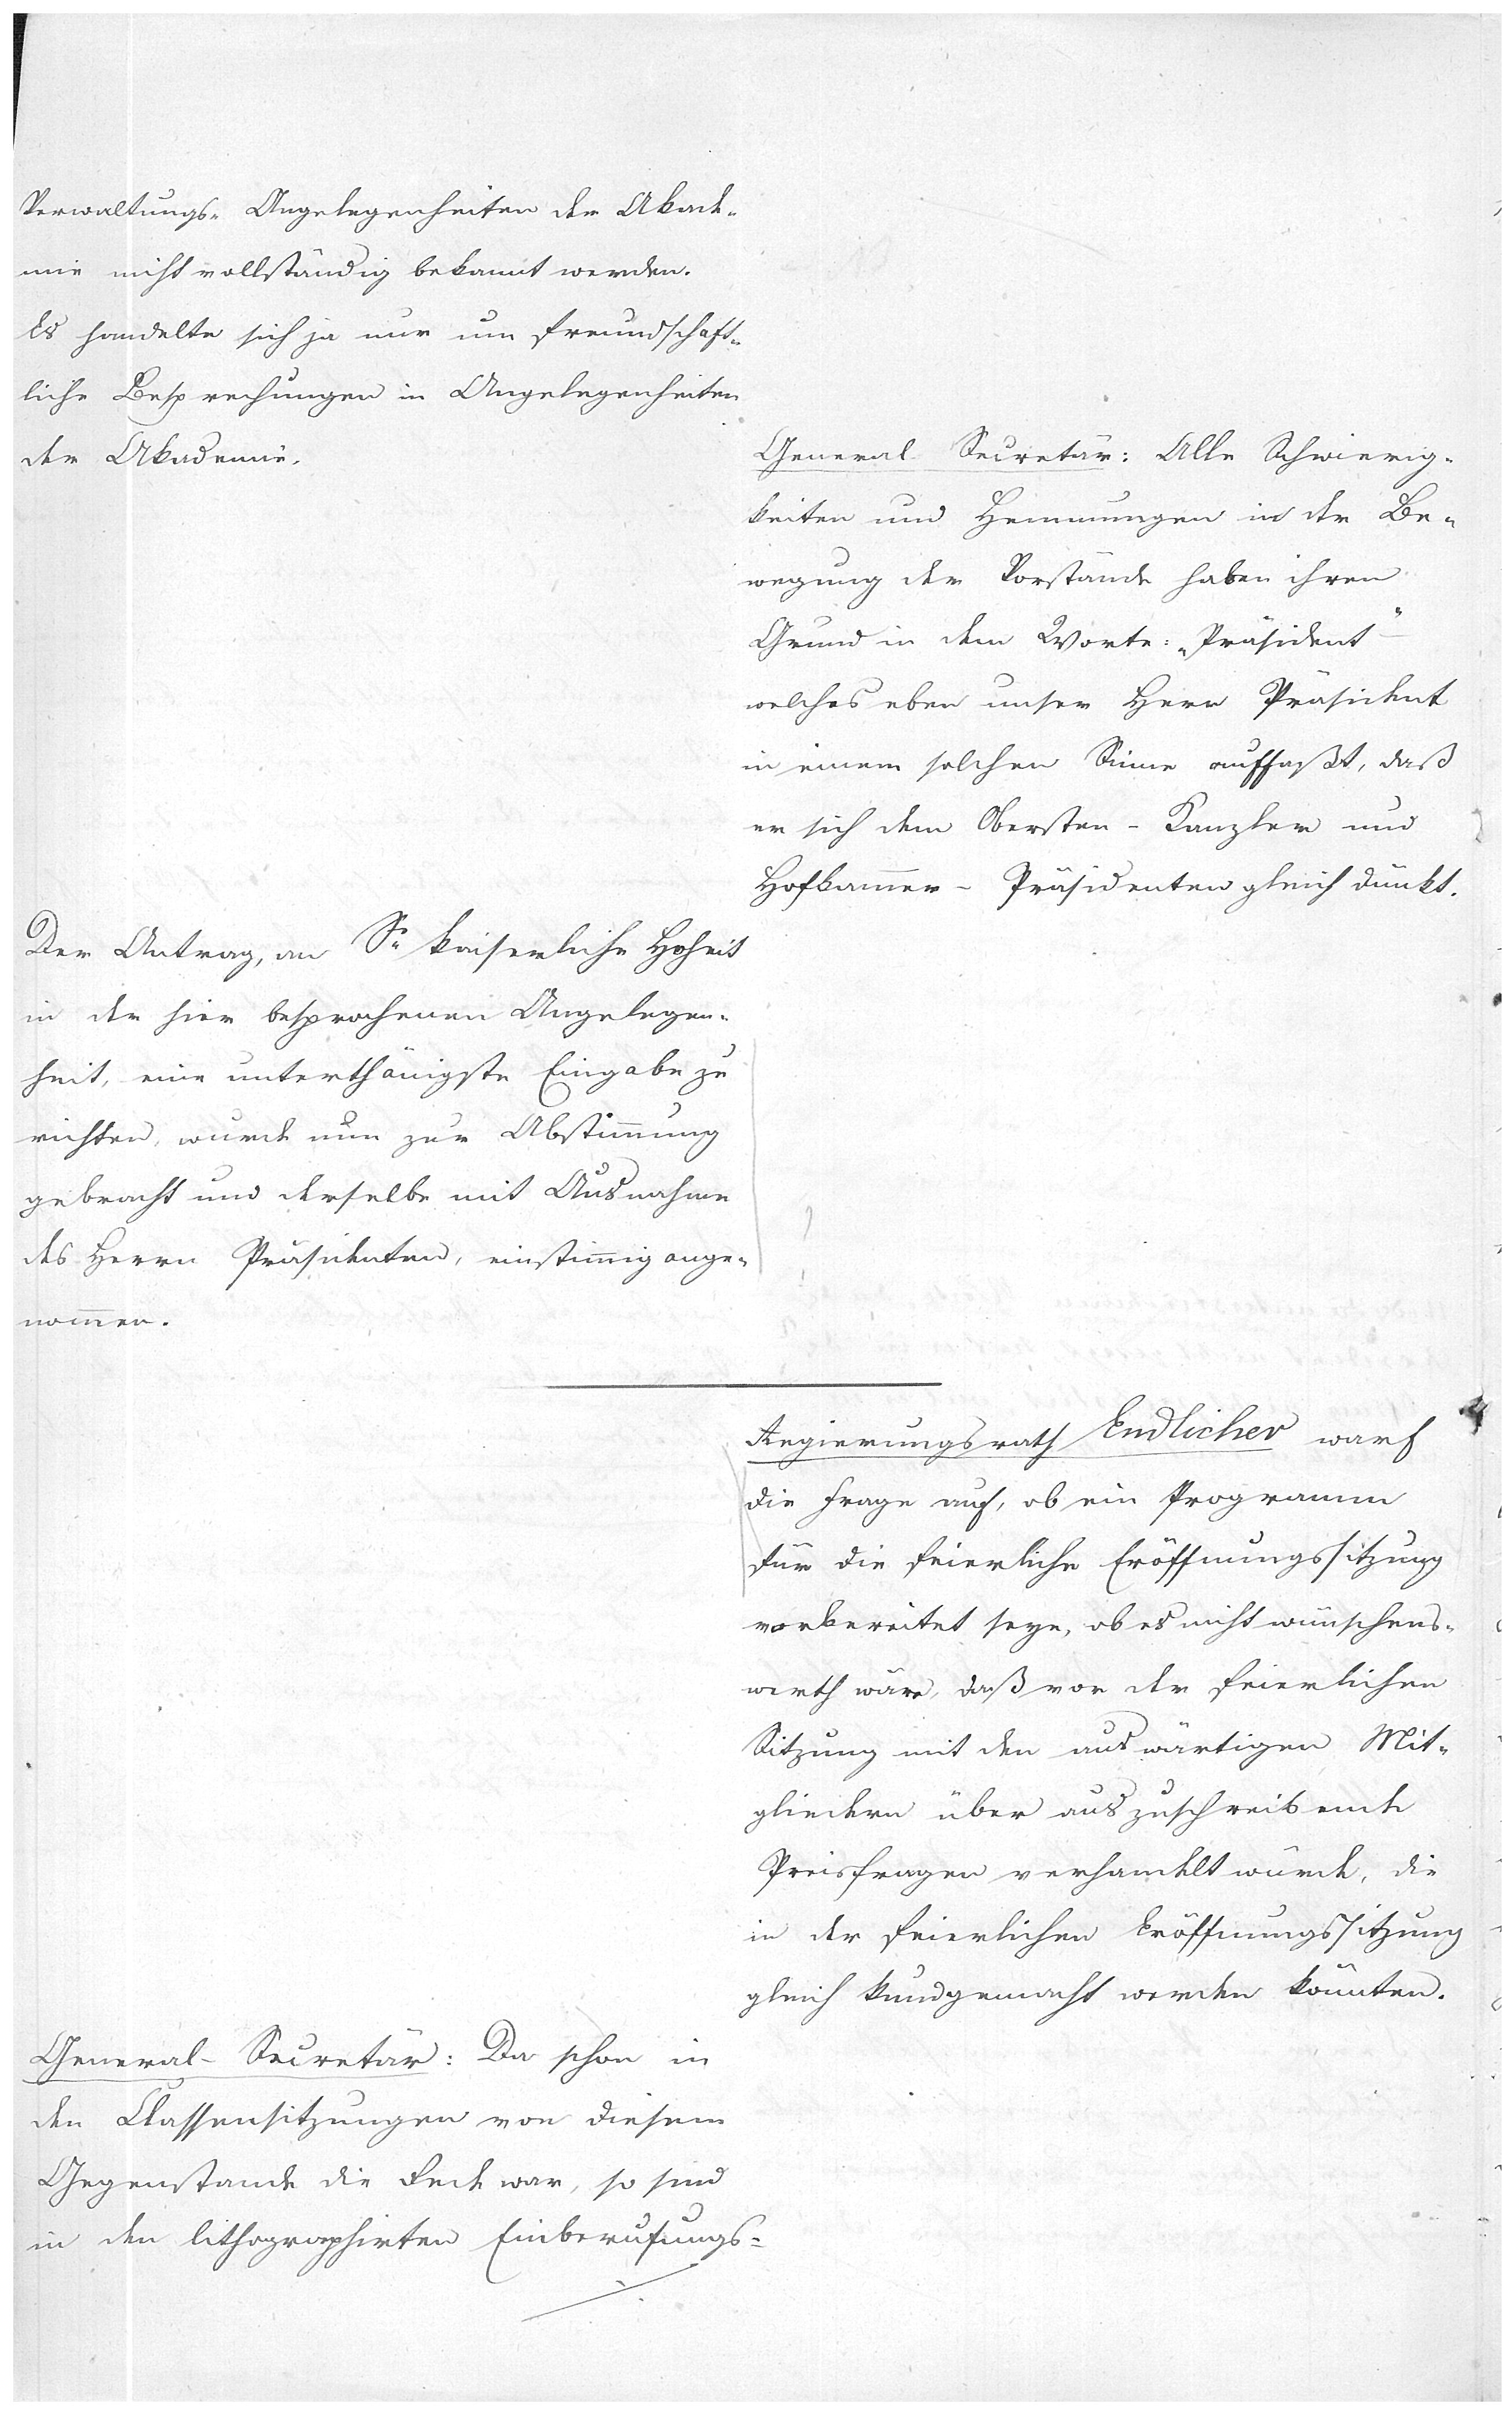Verwaltungs-Angelegenheiten der Akade-
mie nicht sollständig bekannt werden.
Es handelte sich ja nur um freundschaft-
liche Besprechungen in Angelegenheiten
der Akademie
General-Secretär: Alle Schwierig-
keiten und Hemmungen in der Be-
wegung der Vorstände haben ihren
Grund in dem Worte "Präsident",
welches eben unser Herr Präsident
in einem solchen Sinne auffaßt, daß
er sich dem Obersten-Kanzler und
Hofkammer-Präsidenten gleich dünkt.
Der Antrag an Sr. kaiserliche Hoheit
in der hier besprochenen Angelegen-
heit eine unterthänigste Eingabe zu
richten, wurde nun zur Abstimmung
gebracht und derselbe mit Ausnahme
des Herrn Präsidenten, einstimmig ange-
nommen.
Regierungsrath Endlicher warf
die Frage auf, ob ein Programm
für die feierliche Eröffnungssitzung
vorbereitet seye, ob es nicht wünschens-
werth wäre, daß vor der feierlichen
Sitzung mit den auswärtigen Mit-
gliedern über auszuschreibende
Preisfragen verhandelt wurde, die
in der feierlichen Eröffnungssitzung
gleich kundgemacht werden könnten.
General-Secretär: Da schon in den
Classensitzungen von diesem
Gegenstande die Rede war, so sind
in den lithographirten Einberufungs-